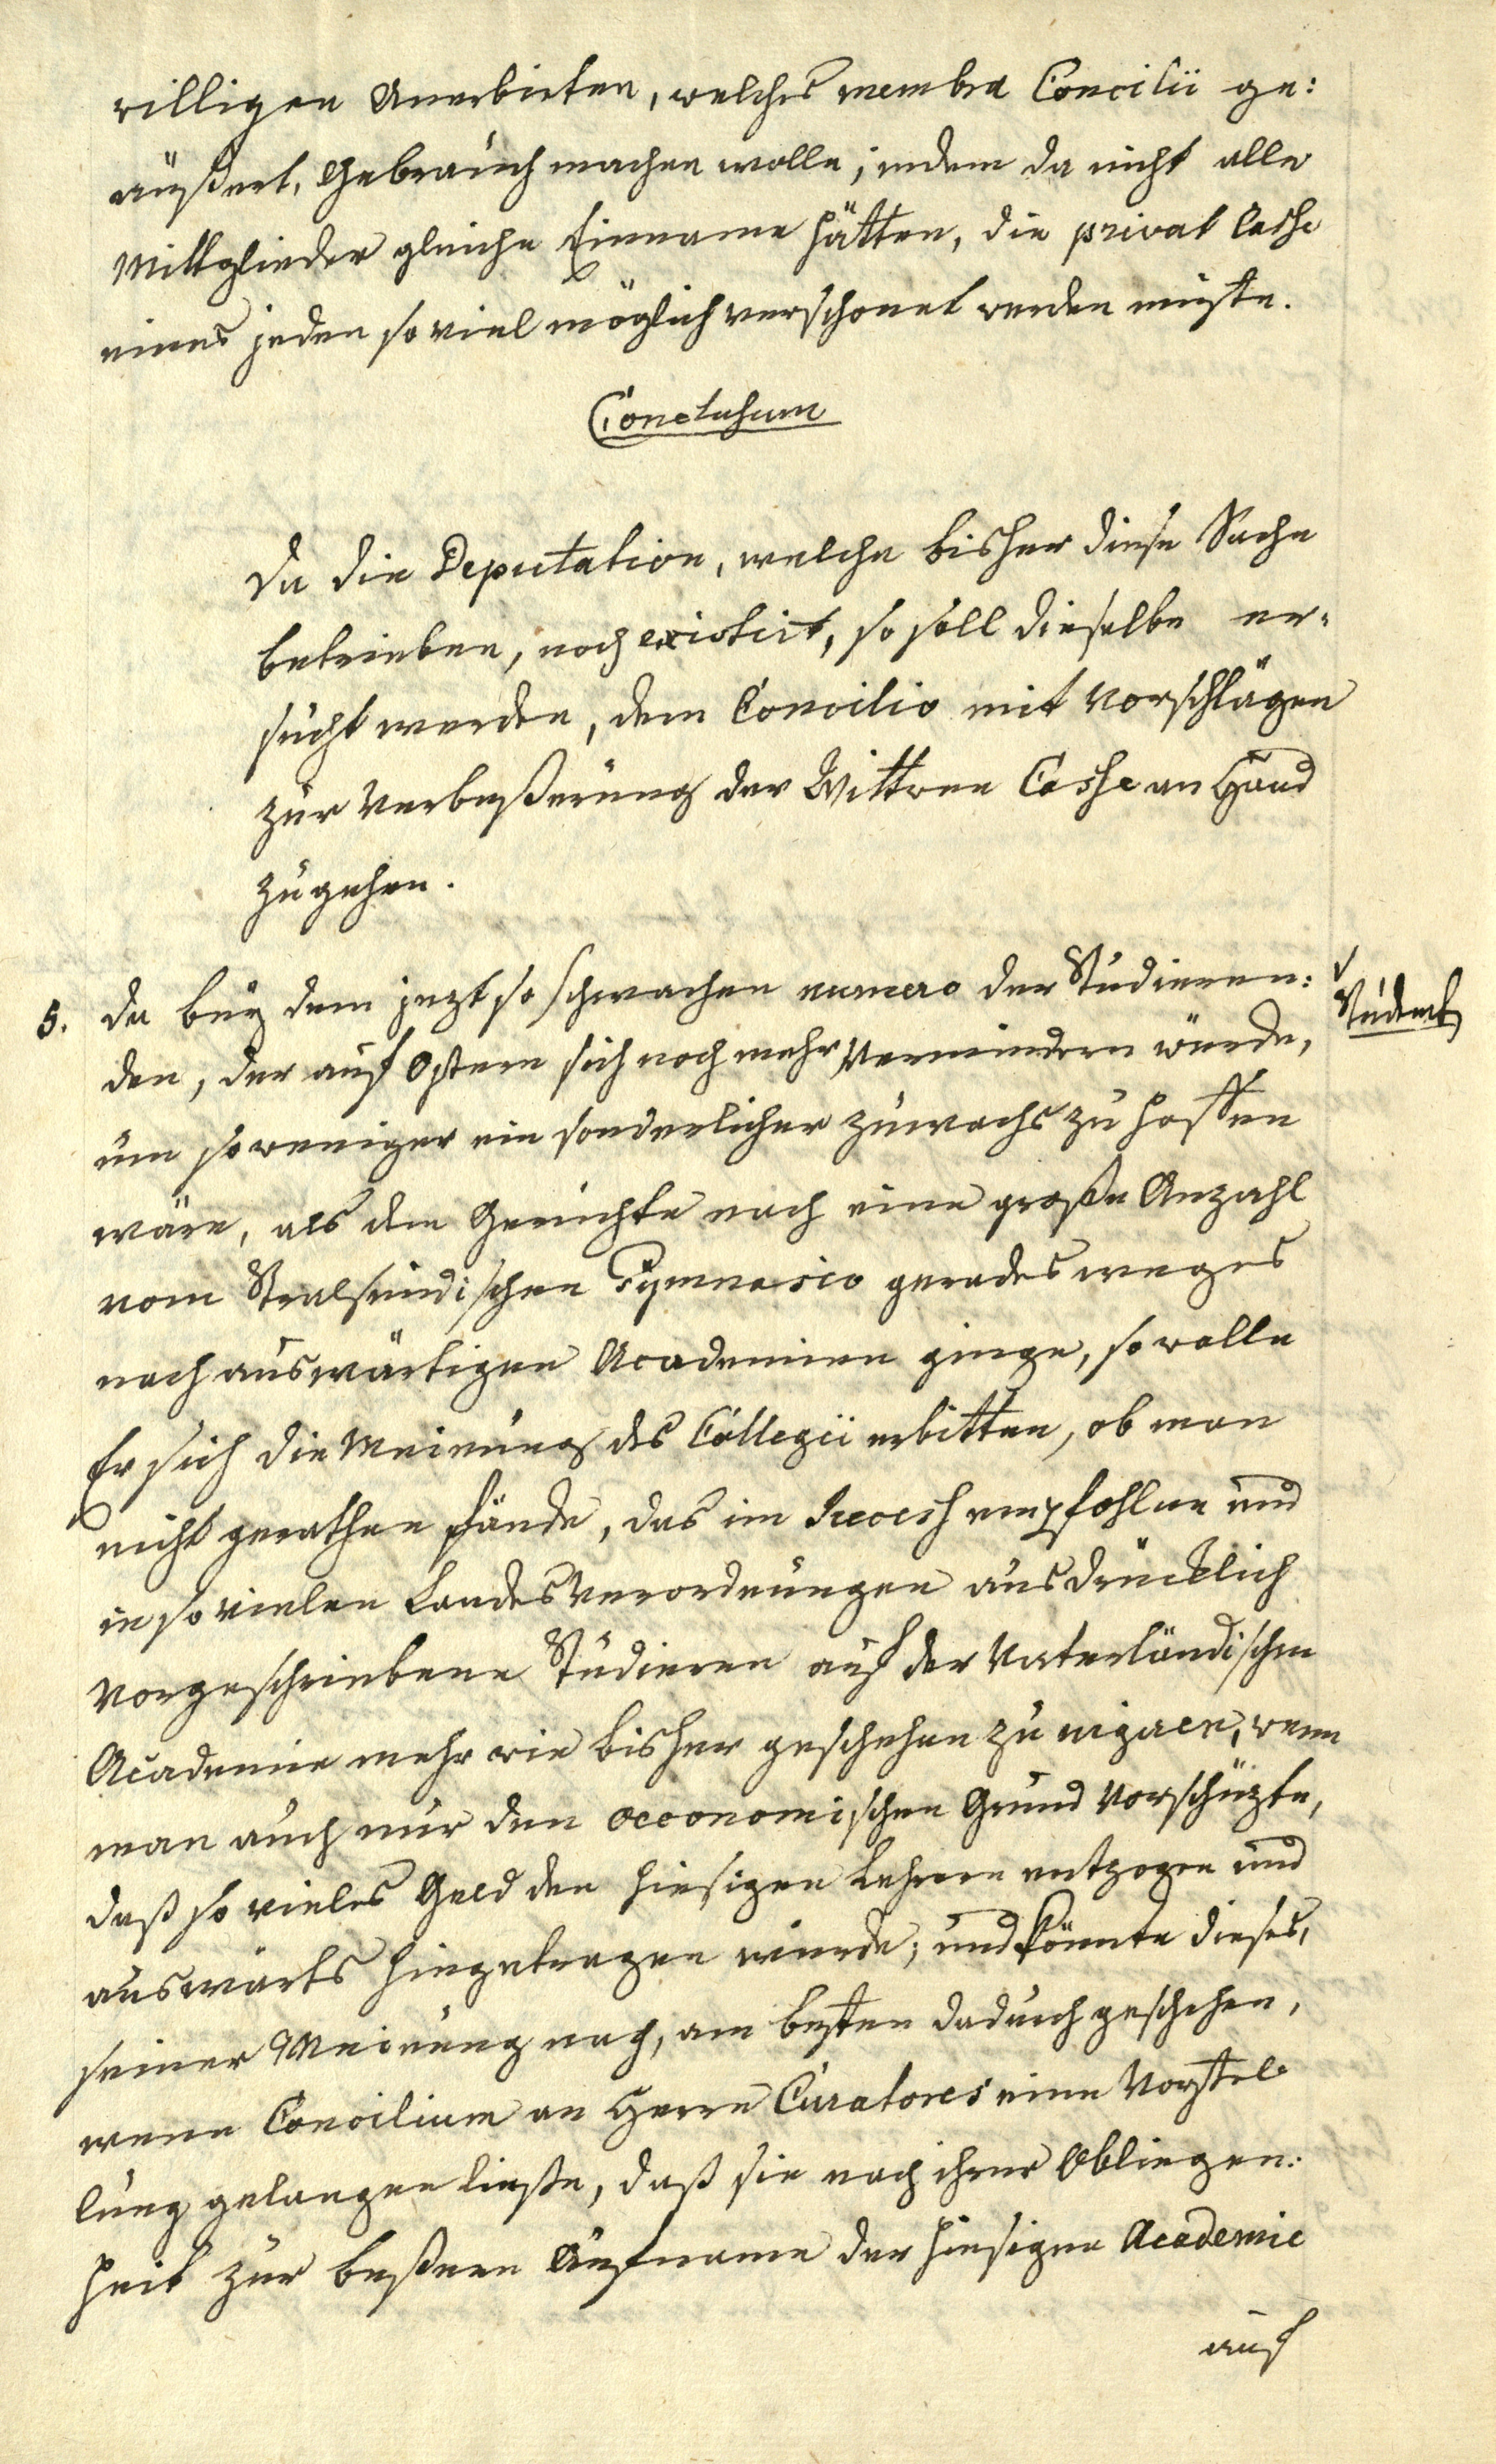willigen Anerbieten, welches membra Concilii ge¬
äußert, Gebrauch machen wolle, indem da nicht alle
Mittglieder gleiche Einnahme hätten, die privat Casse
eines jeden so viel möglich verschonet werden müste.
Conclusum
Da die Deputation, welche bisher diese Sache
betrieben, noch existirt, so soll dieselbe er¬
sucht werden, dem Concilio mit Vorschlägen
zur Verbeßerung der Wittwen Casse an Hand
zugehen.
5. Da beÿ dem jezt so schwachen nunmero der Studieren¬
den, der auf Ostern sich noch mehr vermindern würde,
um so weniger ein sonderlicher Zuwachs zu hoffen
wäre, als dem Gerichte noch eine große Anzahl
vom Stralsundischen Gÿmnasio gerades weges
nach auswärtigen Academien ginge, so wolle
Er sich die Meinung des Collegii erbitten, ob man
nicht gerathen fände, das im Recess empfohlen und
in so vielen Landes Verordnungen ausdrücklich
vorgeschriebene Studieren auf der Vaterländischen
Academie mehr wie bisher geschehen zu reagiren, wenn
man auch nur den oeconomischen Grund vorschüzte,
daß so vieles Geld den hiesigen Lehrern entzogen und
auswärts hingetragen würde, und könnte dieses,
seiner Meinung nach, an besten dadurch geschehen,
wenn Concilium an Herrn Curatores eine Vorstel¬
lung gelangen ließe, daß sie nach ihrer Obliegen¬
heit zur beßern Aufname der hiesigen Academie
auf